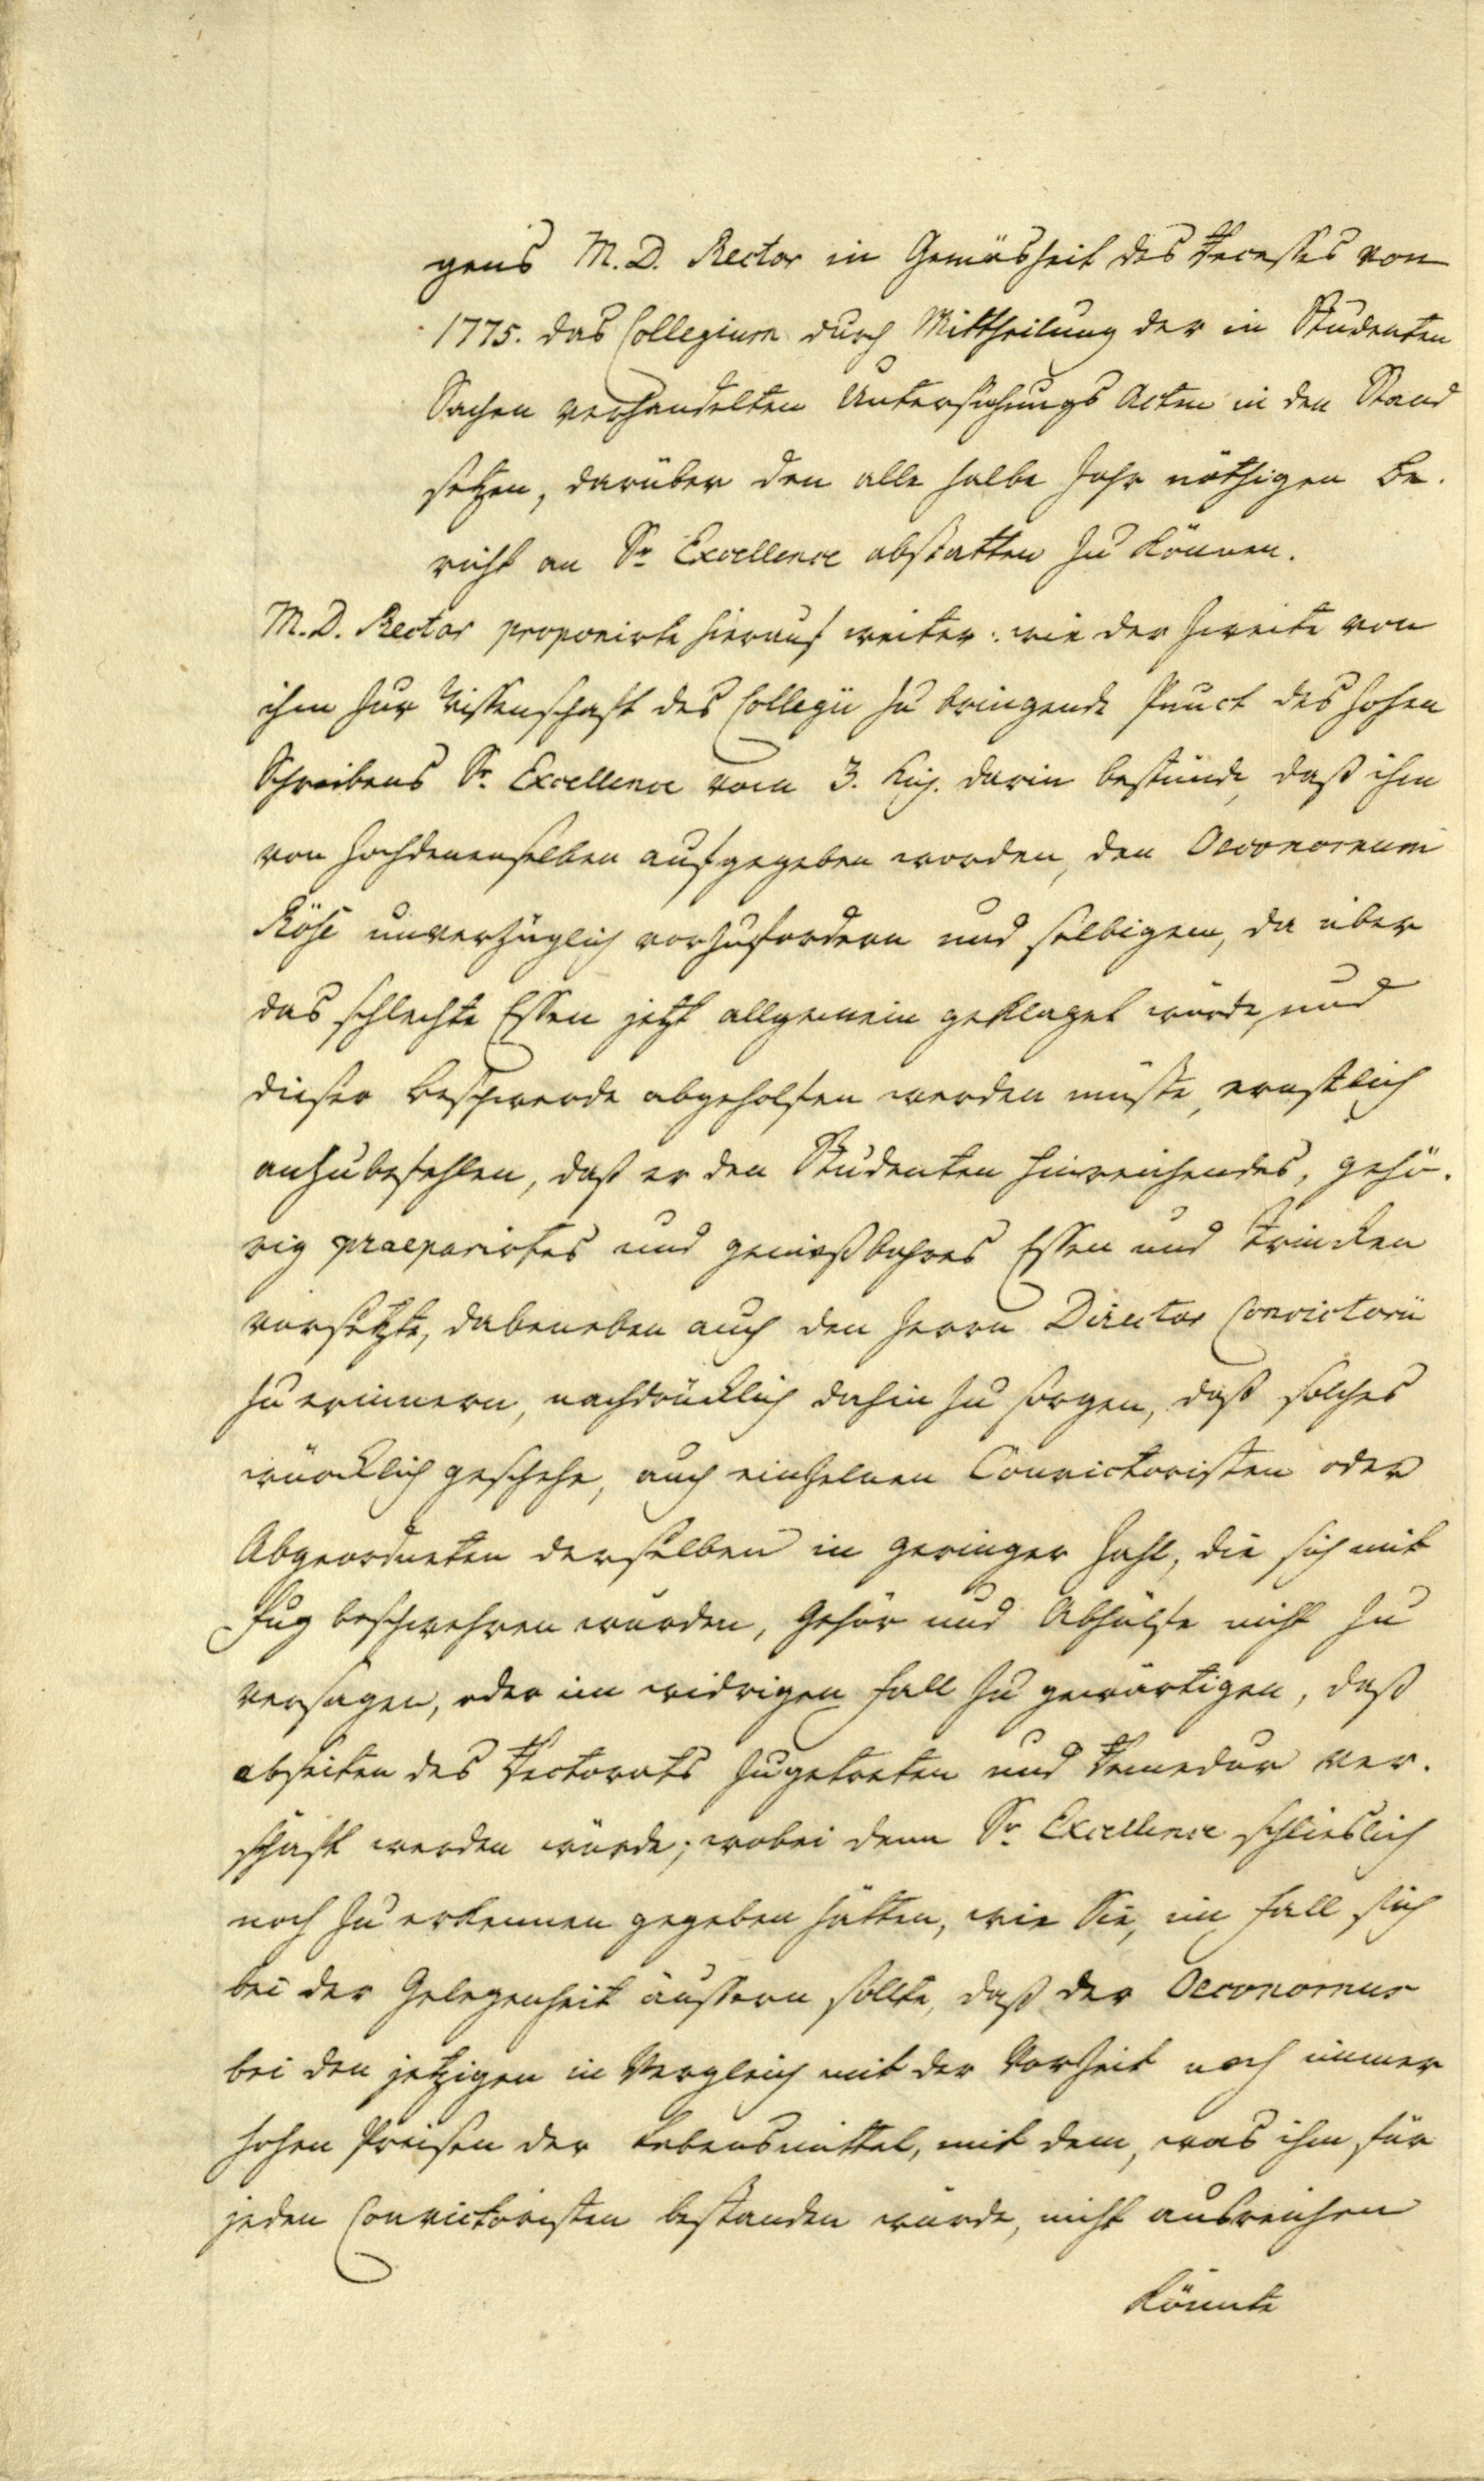gens M. D. Rector in Gemäsheit des Recesses von
1775. das Collegium durch Mittheilung der in Studenten
Sachen verhandelten Untersuchungs Acten in den Stand
setzen, darüber den alle halbe Jahr nöthigen Be¬
richt an Sr Excellence abstatten zu können.
M. D. Rector proponirte hierauf weiter: wie der zweite von
ihm zur Wissenschaft des Collegio zu bringende Punct des hohen
Schreibens Sr Excellence vom 3. huj. darin bestünde, daß ihm
von Hochdenenselben aufgegeben worden, den Oeconomum
Röse unverzüglich vorzuforden und selbigem, da über
das schlechte Essen jetzt allgemein geklaget würde, und
dieser Beschwerde abgeholfen werden müßte, ernstlich
anzubefehlen, daß er den Studenten hinreichendes, gehö¬
rig praeparirtes und genießbahres Essen und Trincken
vorsetzte, dabeneben auch den Herrn Director Convictorii
zu erinnern, nachdrücklich dahin zu sorgen, daß solches
würcklich geschehe, auch einzelnen Convictoristen oder
Abgeordneten derselben in geringer Zahl, die sich mit
Fug beschwehren würden, Gehör und Abhülfe nicht zu
versagen, oder im widrigen Fall zu gewärtigen, daß
abseiten des Rectorats zugetreten und Remedur ver¬
schaft werden würde; wobei denn Sr Excellence schlieslich
noch zu erkennen gegeben hätten, wie Sie, im Fall sich
bei der Gelegenheit äussern sollte, daß der Oeconomus
bei den jetzigen in Vergleich mit der Vorzeit noch immer
hohen Preisen der Lebensmittel, mit dem, was ihm für
jeden Convictoristen bestanden würde, nicht ausreichen
könnte